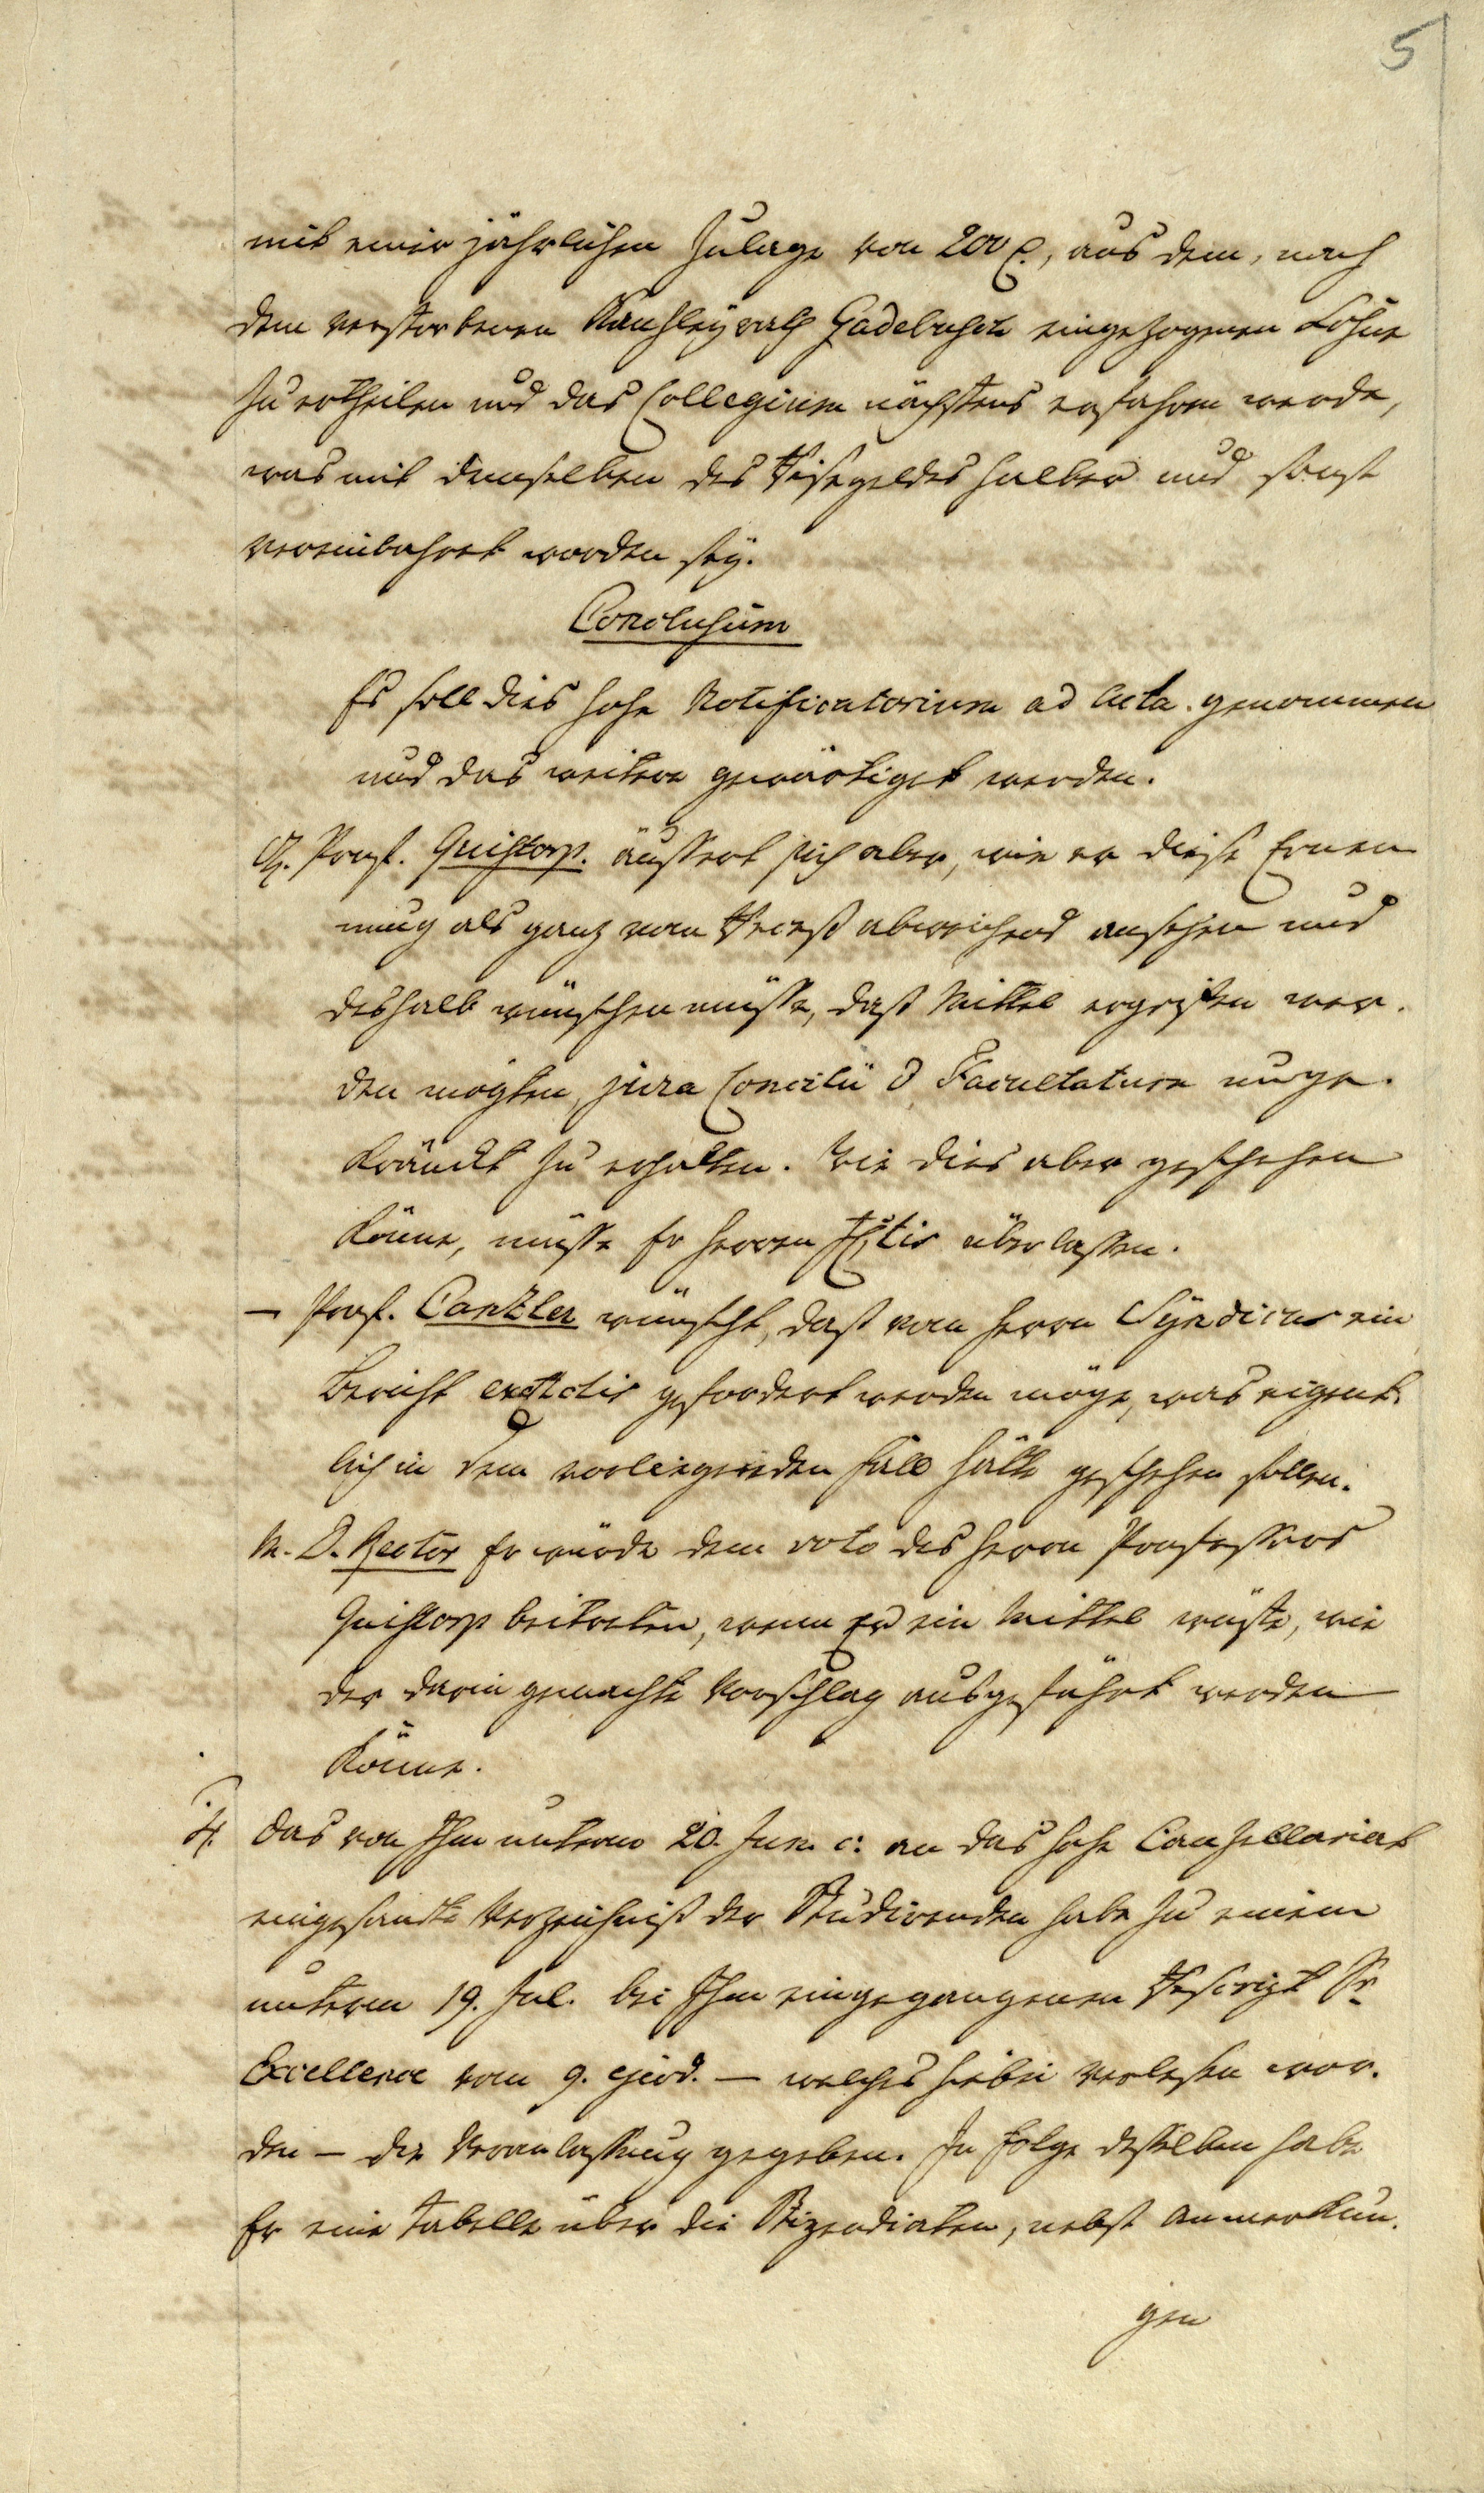mit einer jährlichen Zulage von 200 l., aus dem, nach
dem verstorbenen Kanzleÿrath Gadebusch eingezogenen Lohne
zu ertheilen und das Collegium nächstens erfahren werde,
was mit demselben des Reisegeldes halber und sonst
vereinbahret worden seÿ.
Conclusum
Es soll dies hohe Notificatorium ad Acta genommen
und das weitere gewärtiget werden.
dh. Prof. Quistorp. äussert sich aber, wie der diese Ernen¬
nung als ganz vom Receß abweichend ansehen und
deshalb wünschen müsse, daß Mittel ergriffen wer¬
den mögten, jura Concilii et Facultatum unge¬
kränckt zu erhalten. Wie dies aber geschehen
könne, müsse Er Herren Iltis überlassen.
Prof. Canzler wünscht, daß vom Herrn Sÿndicus ein
Bericht exActis gefordert werden möge, was eigent¬
lich in dem vorliegenden Fall hätte geschehen sollen.
M. D. Rector Er würde dem voto des Herrn Professors
Quistorp beitreten, wenn Er ein Mittel wüßte, wie
der darin gemachte Vorschlag ausgeführt werden
könne.
4. Das von Ihm unterm 20. Jun. c. an das hohe Canzellariat
eingesandte Verzeichniß der Studirenden habe zu einem
unterm 19. Jul. bei Ihm eingegangenen Rescript Sr
Excellence vom 9. ejusd. welches hiebei verlesen wor¬
den die Veranlassung gegeben. In Folge desselben habe
Er eine Tabelle über die Stipendiaten, nebst Anmerkun¬
gen